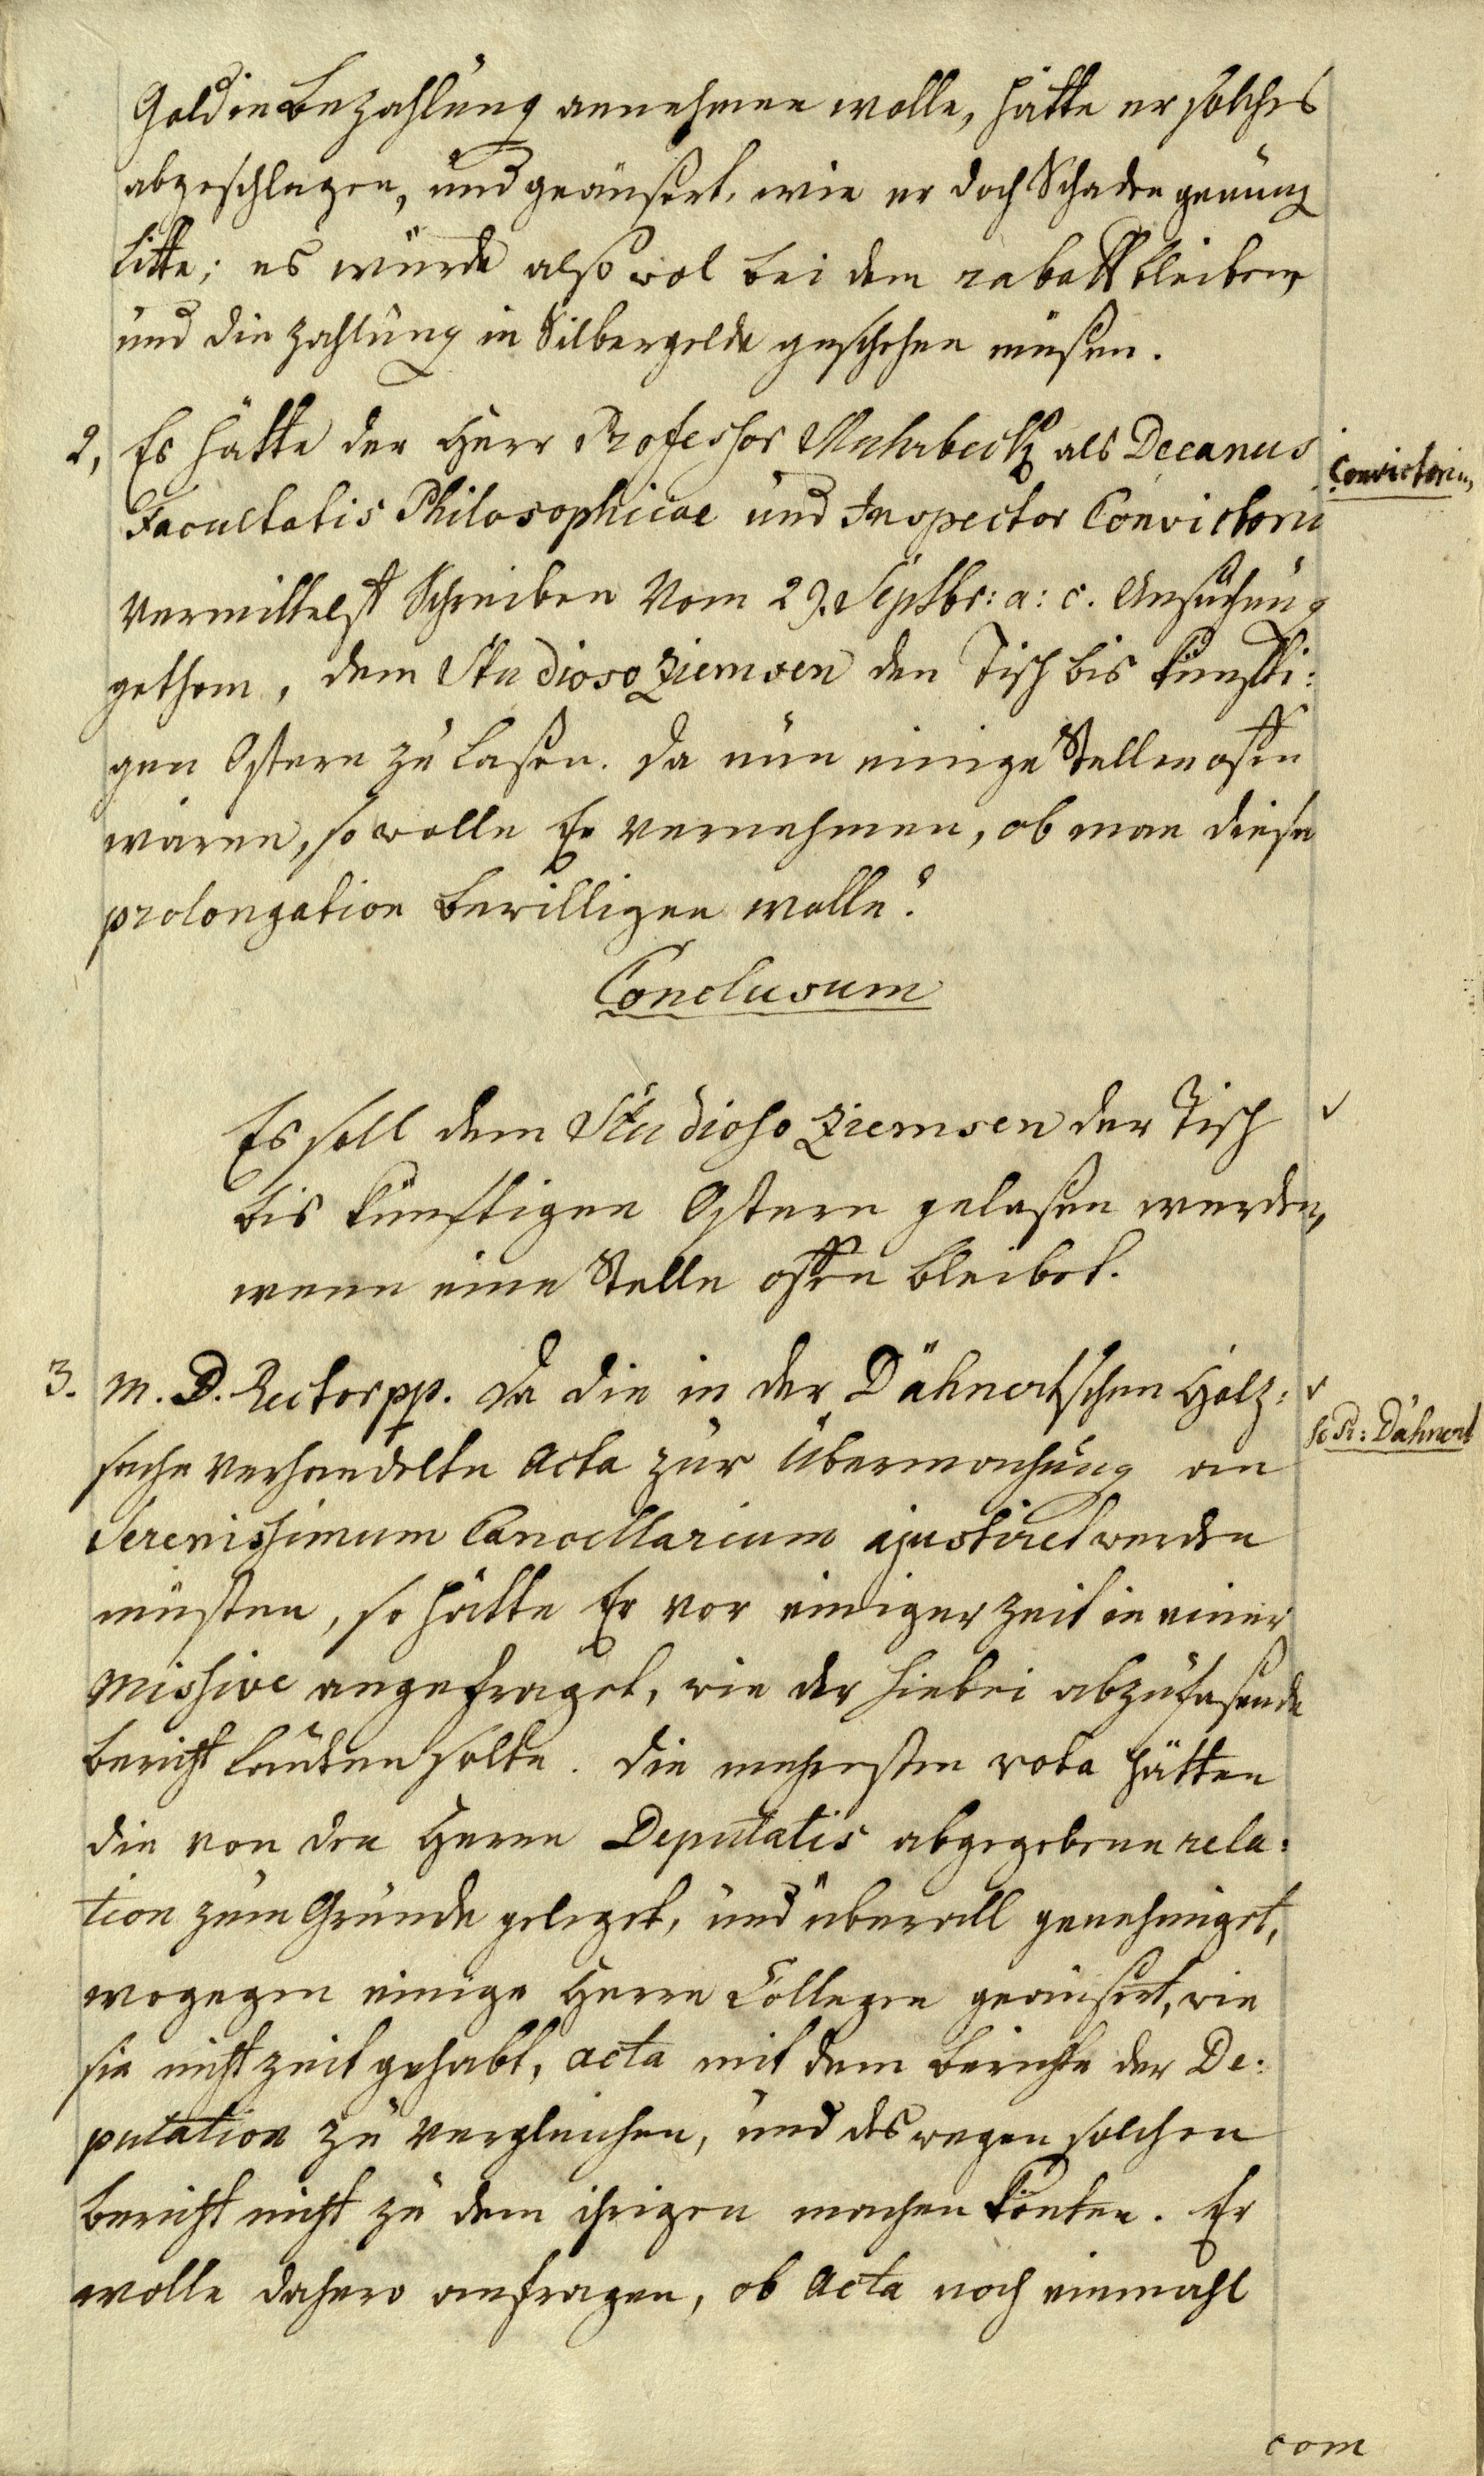Gold in Bezahlung annehmen wolle, hätte er solches
abgeschlagen, und geäußert, wie er doch Schaden genug
litte, es würde also wol bei dem rabatt bleiben
und die zahlung in Silbergelde geschehen müßen.
2, Es hätte der Herr Professor Muhrbeck als Decanus
Facultatis Philosophicae und Inspector Convictorii Convictorii
vermittelst Schreiben vom 29. Septbr: a: c: Ansuchung
gethan, dem Studioso Ziemsen den Tisch bis künfti¬
gen Ostern zu laßen. Da nun einige Stellen offen
wären, so wolle Er vernehmen, ob man diese
prolongation bewilligen wolle!
Conclusum
Es soll dem Studioso Ziemsen der Tisch
bis künftigen Ostern gelaßen werden,
wenn eine Stelle offen bleibet.
3, M. D. Rector pp. Da die in der Dähnertschen Holz¬
sache verhandelte acta zur Übermachung an h. Pr. Dähnert
Serenissimum Cancellarium ajustiret werden
müsten, so hätte Er vor einiger Zeit in einer
missive angefraget, wie der hiebei abzufaßende
Bericht lauten solte. die mehersten vota hätten
die von den Herrn Deputatis abgegebene rela¬
tion zum Grunde geleget, und überall genehmiget,
wogegen einige Herrn Collegen geäußert, wie
sie nicht zeit gehabt, acta mit dem Berichte der De¬
putation zu vergleichen, und deswegen solchen
Bericht nicht zu dem ihrigen machen könten. Er
wolle dahero anfragen, ob acta noch einmahl
com